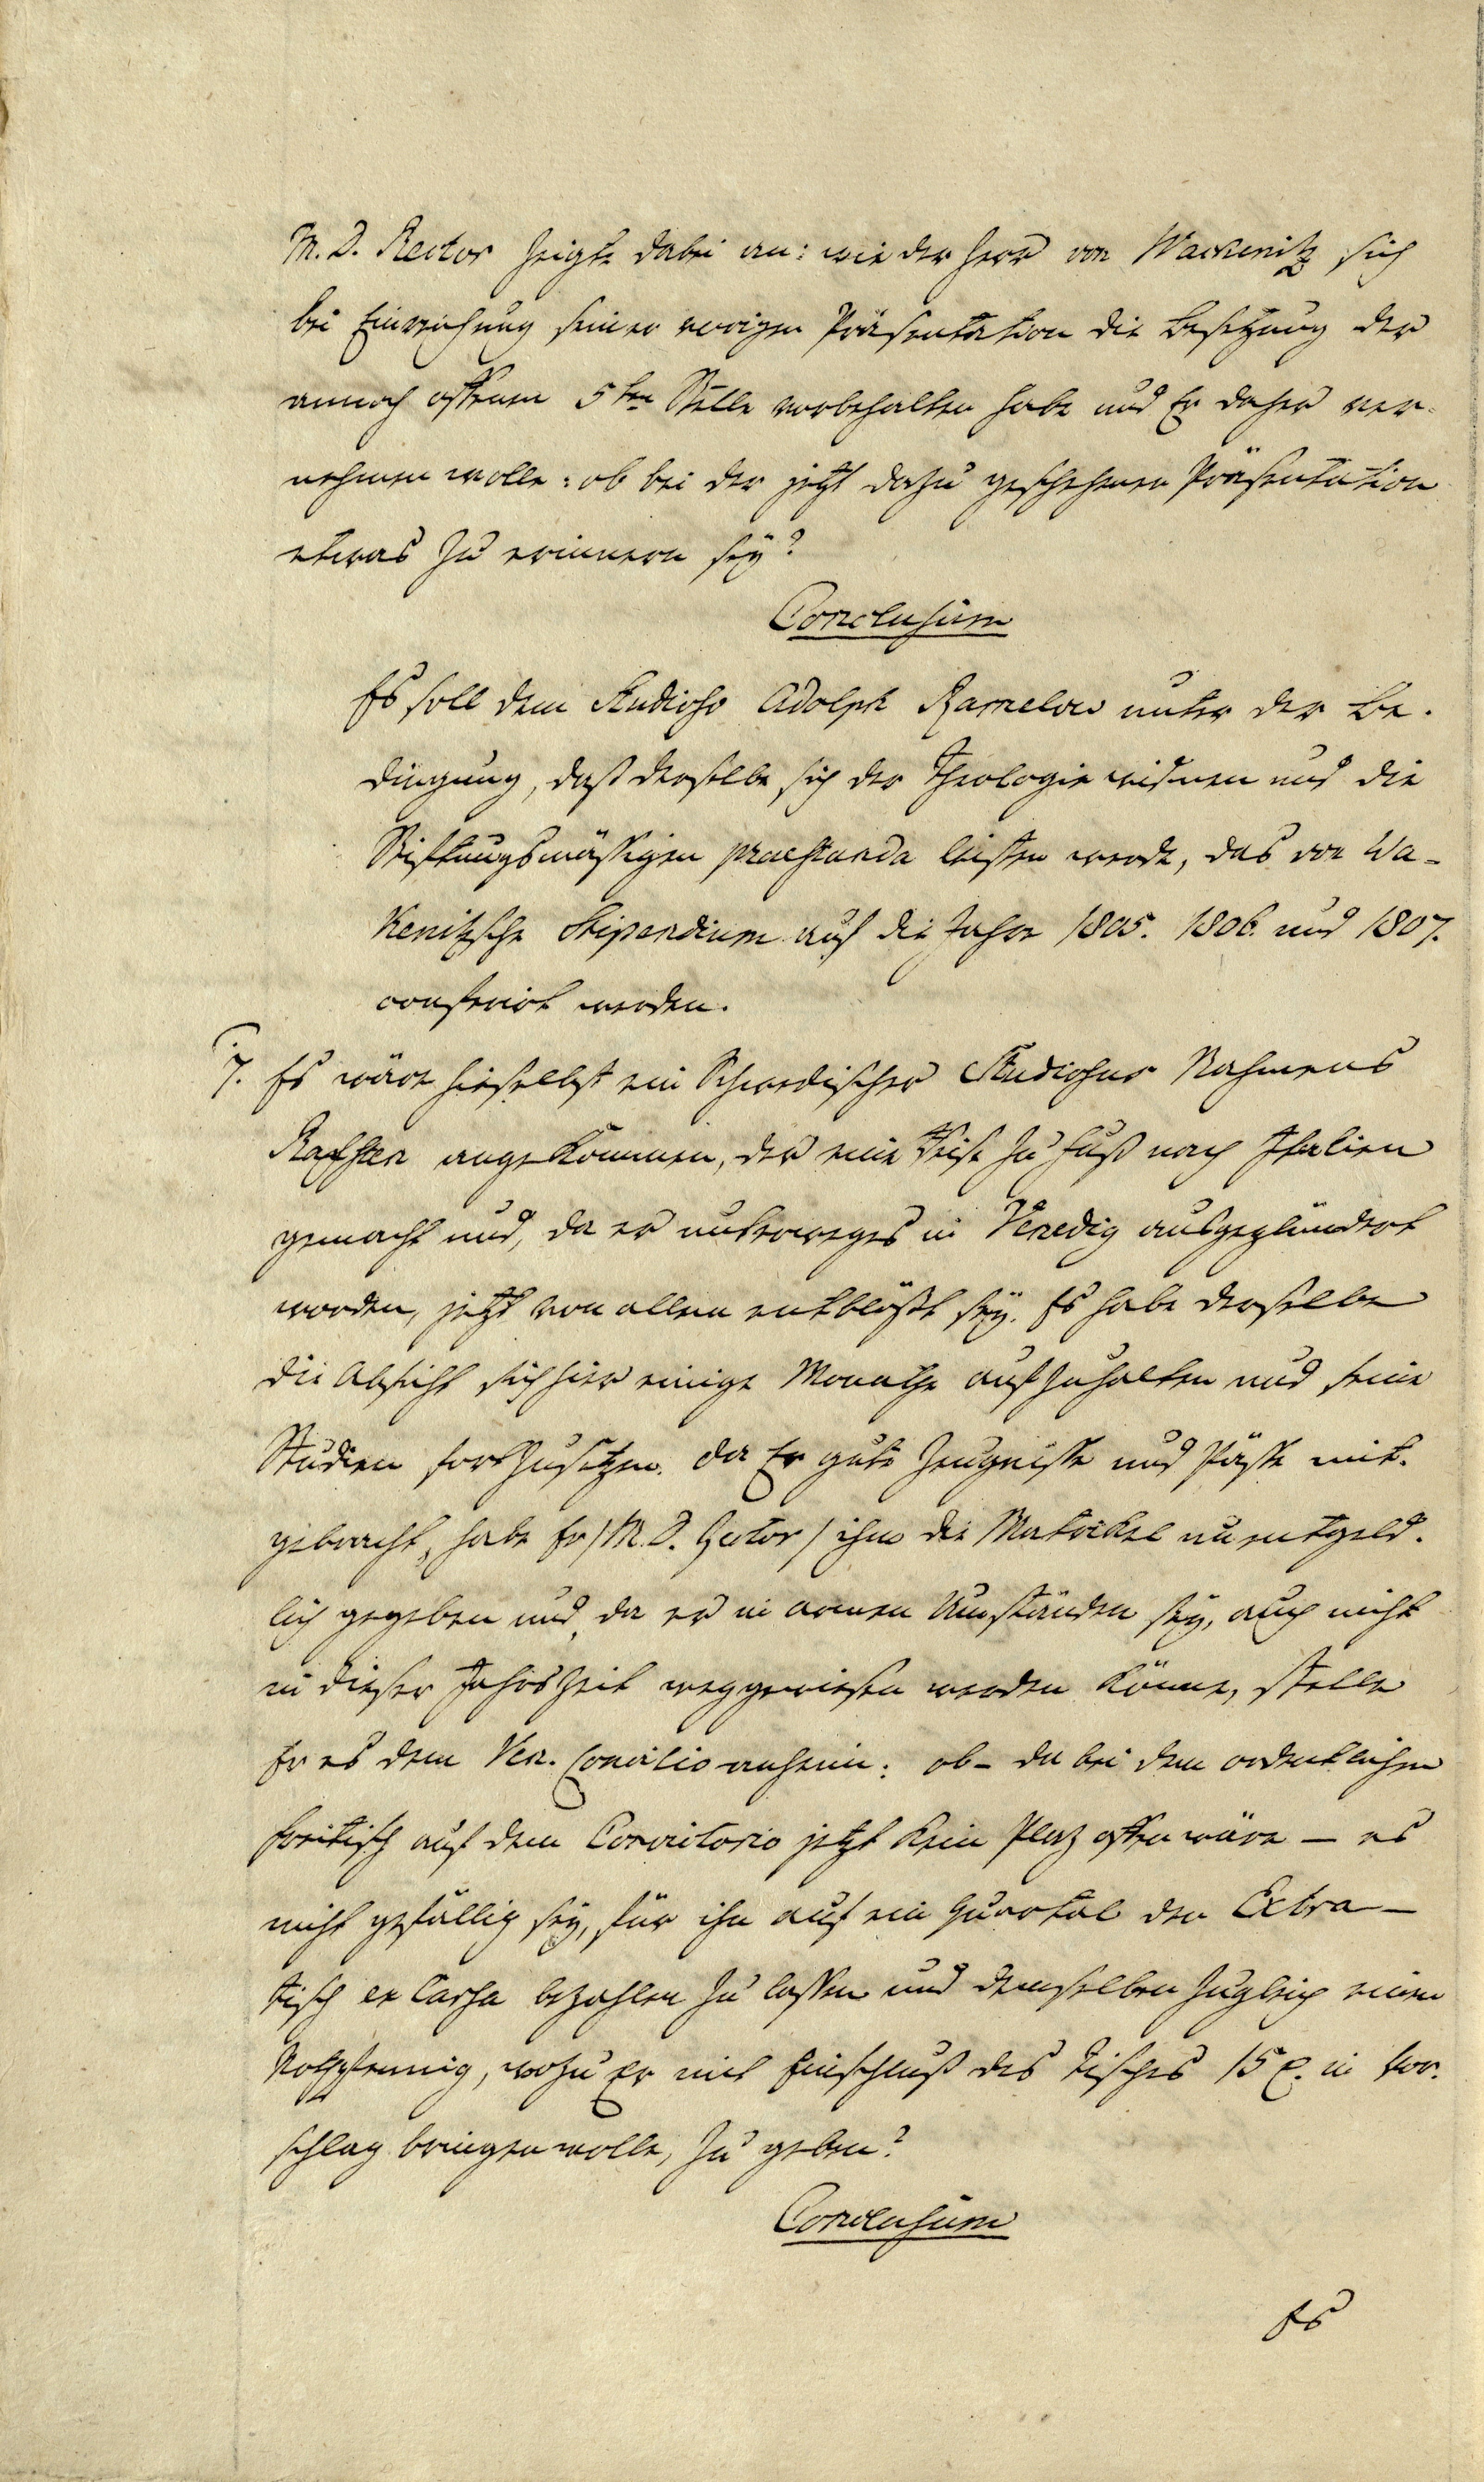M. D. Rector zeigte dabei an: wie der Herr von Wackenitz sich
bei Einreichung seiner vorigen Präsentation die Besetzung der
annoch offenen 5 ten Stelle vorbehalten habe und Er daher ver¬
nehmen wolle: ob bei der jetzt dazu geschehenen Präsentation
etwas zu erinnern seÿ?
Conclusum
Es soll dem Studioso Adolph Ramelow unter der Be¬
digung, daß derselbe sich der Theologie widmen und die
Stiftungsmässigen praestanda leisten werde, das von Wa¬
kenitzsche Stipendium auf die Jahre 1805. 1806. und 1807.
conferirt werden.
7. Es wäre hieselbst ein Schwedischer Studiosus Nahmens
Rafsten angekommen, der eine Reise zu Fuß nach Italien
gemacht und, da er unterweges in Venedig ausgeplündert
worden, jetzt von allem entblößt seÿ. Es habe derselbe
die Absicht sich hier einige Monathe aufzuhalten und seine
Studien fortzusetzen. Da Er gute Zeugnisse und Pässe mit¬
gebracht, habe Er / M. D. Rector / ihm die Matrikel unentgeld¬
lich gegeben und da er in armen Umständen seÿ, auch nicht
in dieser Jahrszeit weggewiesen werden könne, stelle
Er es dem Ven. Concilio anheim: ob da bei dem ordentlichen
Freitisch auf dem Convictorio jetzt kein Plaz offen wäre es
nicht gefällig seÿ, für ihn auf ein Quartal den Exra¬
tisch ex Cassa bezahlen zu lassen und demselben zugleich einen
Nothpfennig, wozu Er mit Einschluß des Tisches 15 l. in Vor¬
schlag bringen wolle, zu geben?
Conclusum
Es